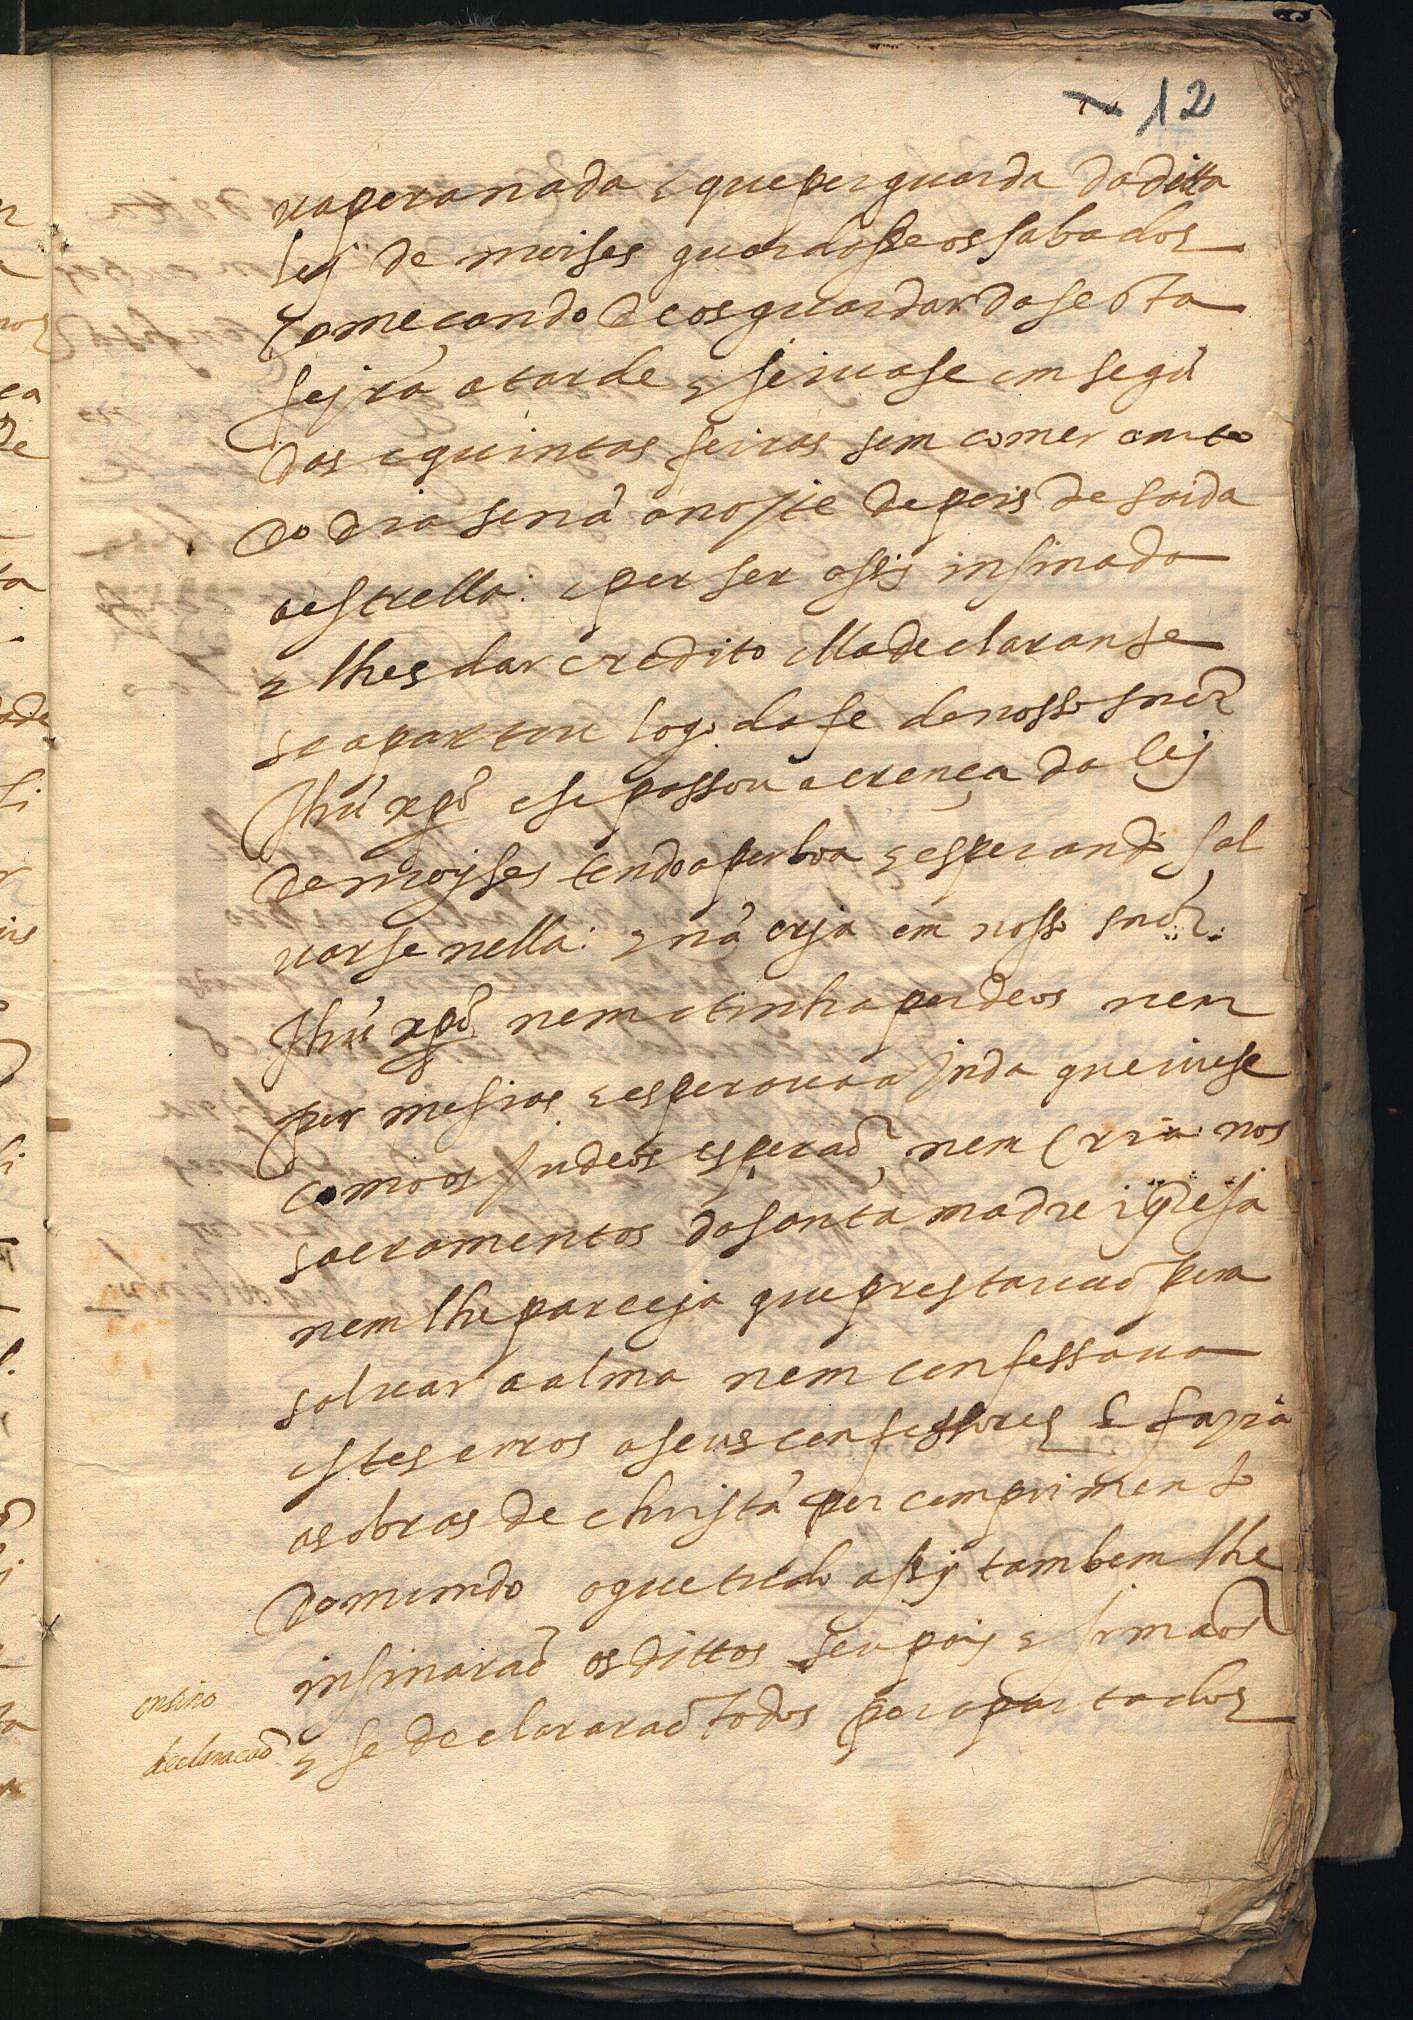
ua pera nada E que por guarda da ditta
lej de moises guardasse os sabados
começando de os guardar da sesta
fejra a tarde E jeiuase em segū
das e quintas feiras sem comer em to
do dia senā a nojte depois de saida
a estrella: e por ser assy insinada
e lhes dar credito ella declarante
se apartou logo da fe de nosso snor̄
Jhū xpō e se passou a crença da lej
de moyses tendoa por boa E esperando sal
uarse nella: E nā crja em nosso snor̄
Jhū xpō nem o tinha por deos nem
por messias E esperaua ajnda que uiese
como os judeos esperaõ, nem cria nos
sacramentos da santa madre igreja
nem lhe parecja que prestauaõ pera
saluar a alma nem confessaua
estes erros a seus confessores e fazia
as obras de christã por comprimento
do mundo o que tudo assj tambem lhe
insinaraõ os dittos seu pay e Jrmaõs
ensino
e se declararaõ todos por apartados
declaraçaõ
